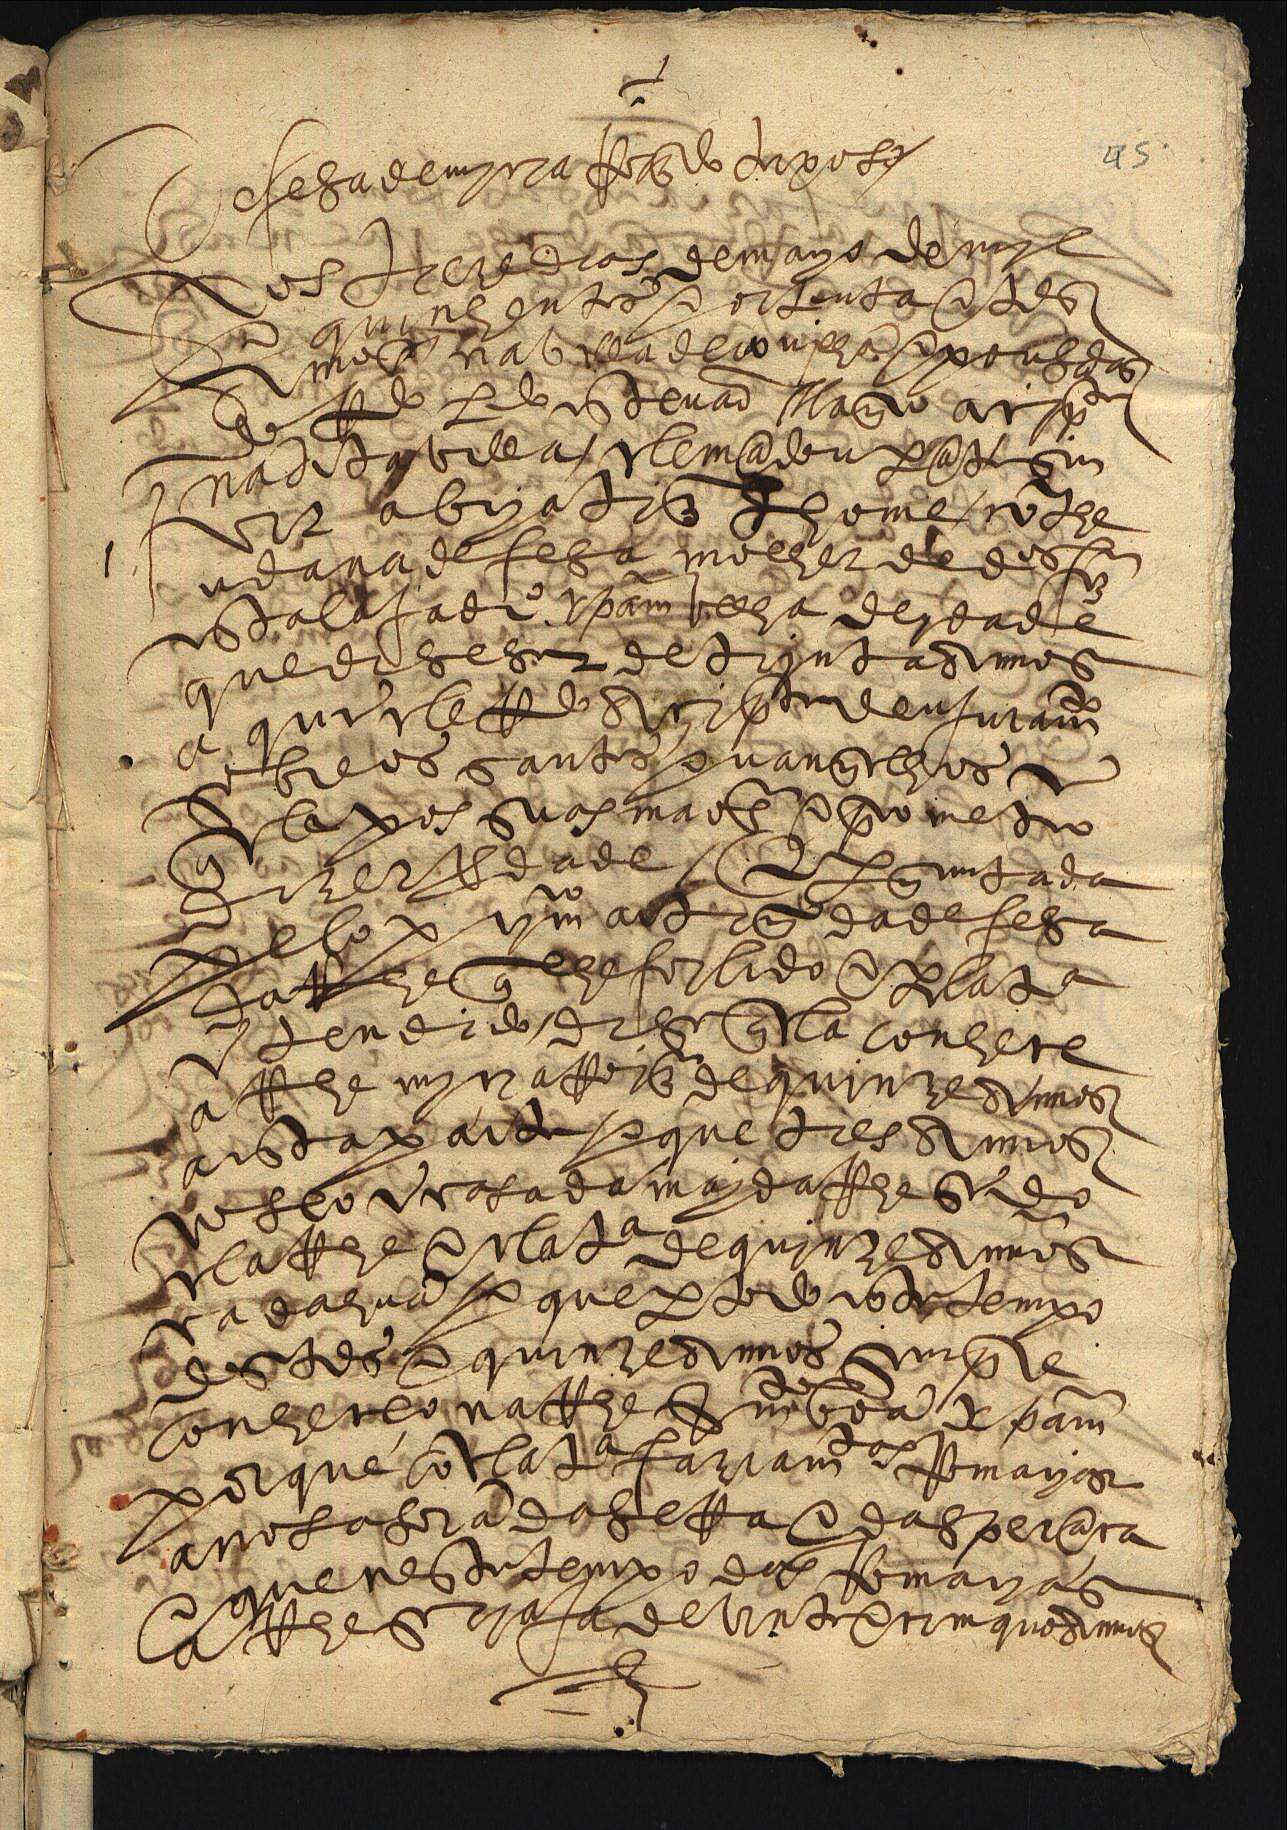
Defesa de mjcia Roiz̄ do teixoso /
Aos treze dias de mayo de mjl
e quinhentos e oitenta e tres
Annos na villa de coujlhā e pousadas
do Rdo Ldo esteuão Magro açjp̄te
na dita villa / ele mādou ꝑāte sim
vir a brjatiz̄ thome / cōthe
uda na defesa molher de dos frz̄
estalaJadro xpām velha de jdade
que dise ser de trjnta Annos
a quē ele Rdo Açip̄te deu Juramto
sobre os santos euangelhos ē
q̄ ela pos suas maos̄ e prometeo
dizer ꝟdade / E ꝑguntada
pelo prjmro artigo da defesa
da Rhe q̄ lhe foj lido e ꝑ ela ta
ētendido / dise q̄ ela conheçe
a Rhe mjçia Roiz̄ de quinze Annos
a esta parte / e que tres Annos
coseo ē casa da maj da Rhe sēdo
ela Rhe e ela ta de qujnze Annos
cada huā / e que ꝑ todo este tempo
dos tres e quinze Annos sempre
conheçeo na Rhe ꞩ mto boa xpam̄
porque cō ela ta fazia mtas Romarjas
a nosa sorā da seRa e da sperāça
e que neste tempo das Romarjas
a Rhe serja Ja de vinte e cimquo Annos
